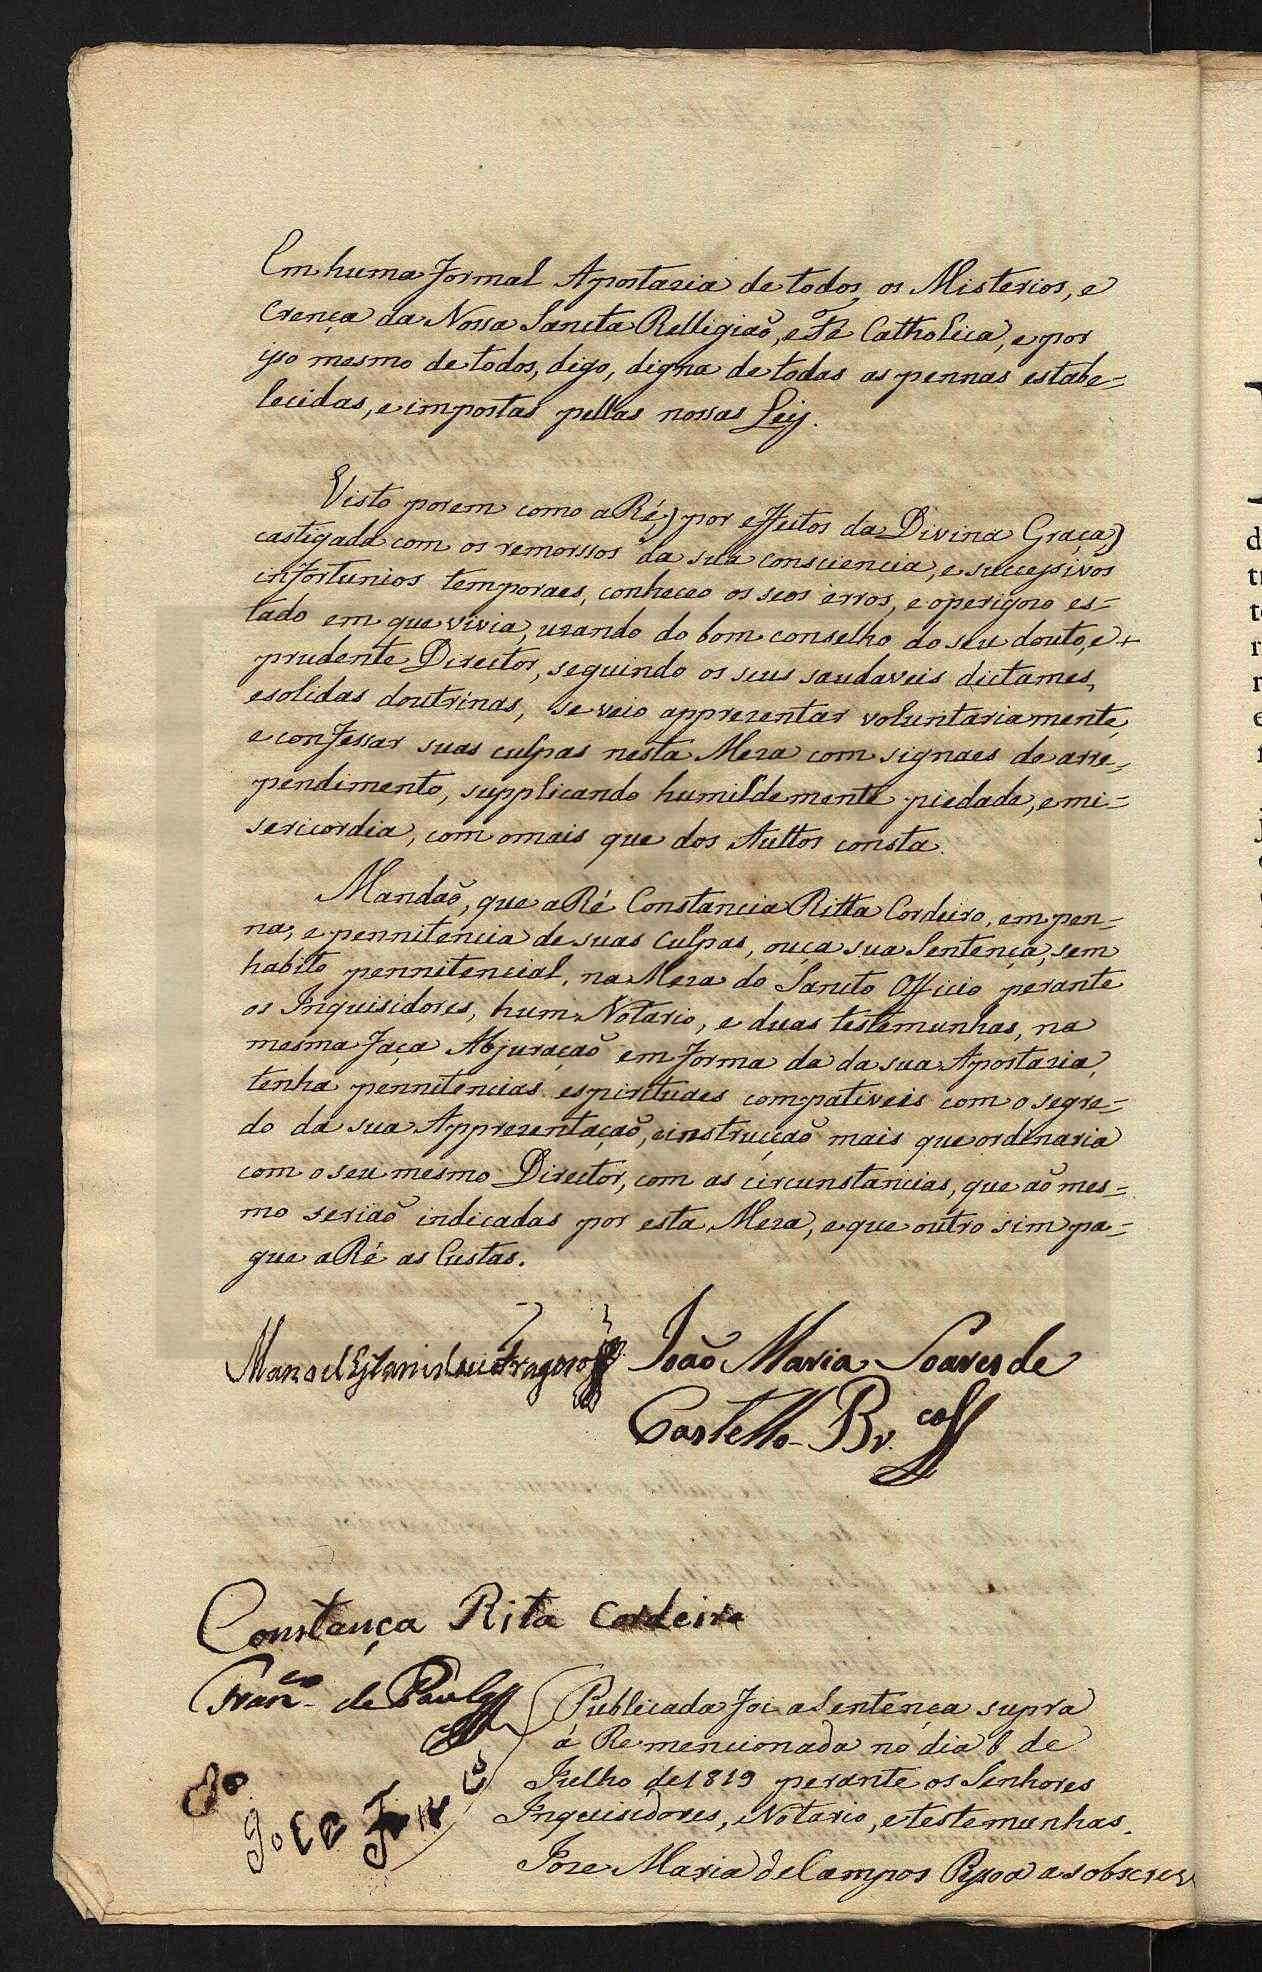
Em huma formal Apostazia de todos os Misterios, e
crença da Nossa Sancta Relligiaõ, e Fé Catholica, e por
isso mesmo de todos, digo, digna de todas as pennas estabe
lecidas, e imposta pellas nossas Leis.
Visto porem como a Ré (por effeitos da Divina Graça,)
castigada com os remorssos da sua consciencia, e successivos
infortunios temporaes, conheceo os seos erros, e o perigozo es
tado em que vivia, uzando do bom conselho do seu douto, e
prudente Director, seguindo os seus saudaveis dictames,
e solidas doutrinas, se veio apprezentar voluntariamente,
e confessar suas culpas nesta Meza com signaes de arre
pendimento, supplicando humildemente piedade, e mi
sericordia, com o mais que dos Auttos consta.
Mandaõ, que a Ré Constancia Ritta Cordeiro, em pen
na, e pennitencia de suas culpas, ouça sua Sentença, sem
habito pennitencial, na Meza do Sancto Officio perante
os Inquisidores, hum Notario, e duas testemunhas, na
mesma faça Abjuraçaõ em forma da da sua Apostazia,
tenha pennitencias espirituaes compativeis com o segre
do da sua Apprezentaçaõ, e instrucçaõ mais que ordinaria
com o seu mesmo Director, com as circunstancias, que aõ mes
mo seriaõ indicadas por esta Meza, e que outrosim pa
gue a Ré as Custas.
Manoel Estanislau Fragoso Ioaõ Maria Soares de
Castello Br.co
Constança Rita cordeira
Fran.co de Paula
Publicada foi a sentença supra
á Re mencionada no dia 6 de
Iulho de 1819 perante os Senhores
Inquisidores, Notario, e testemunhas.
Ioze Maria de Campos Pessoa a sobscrev
